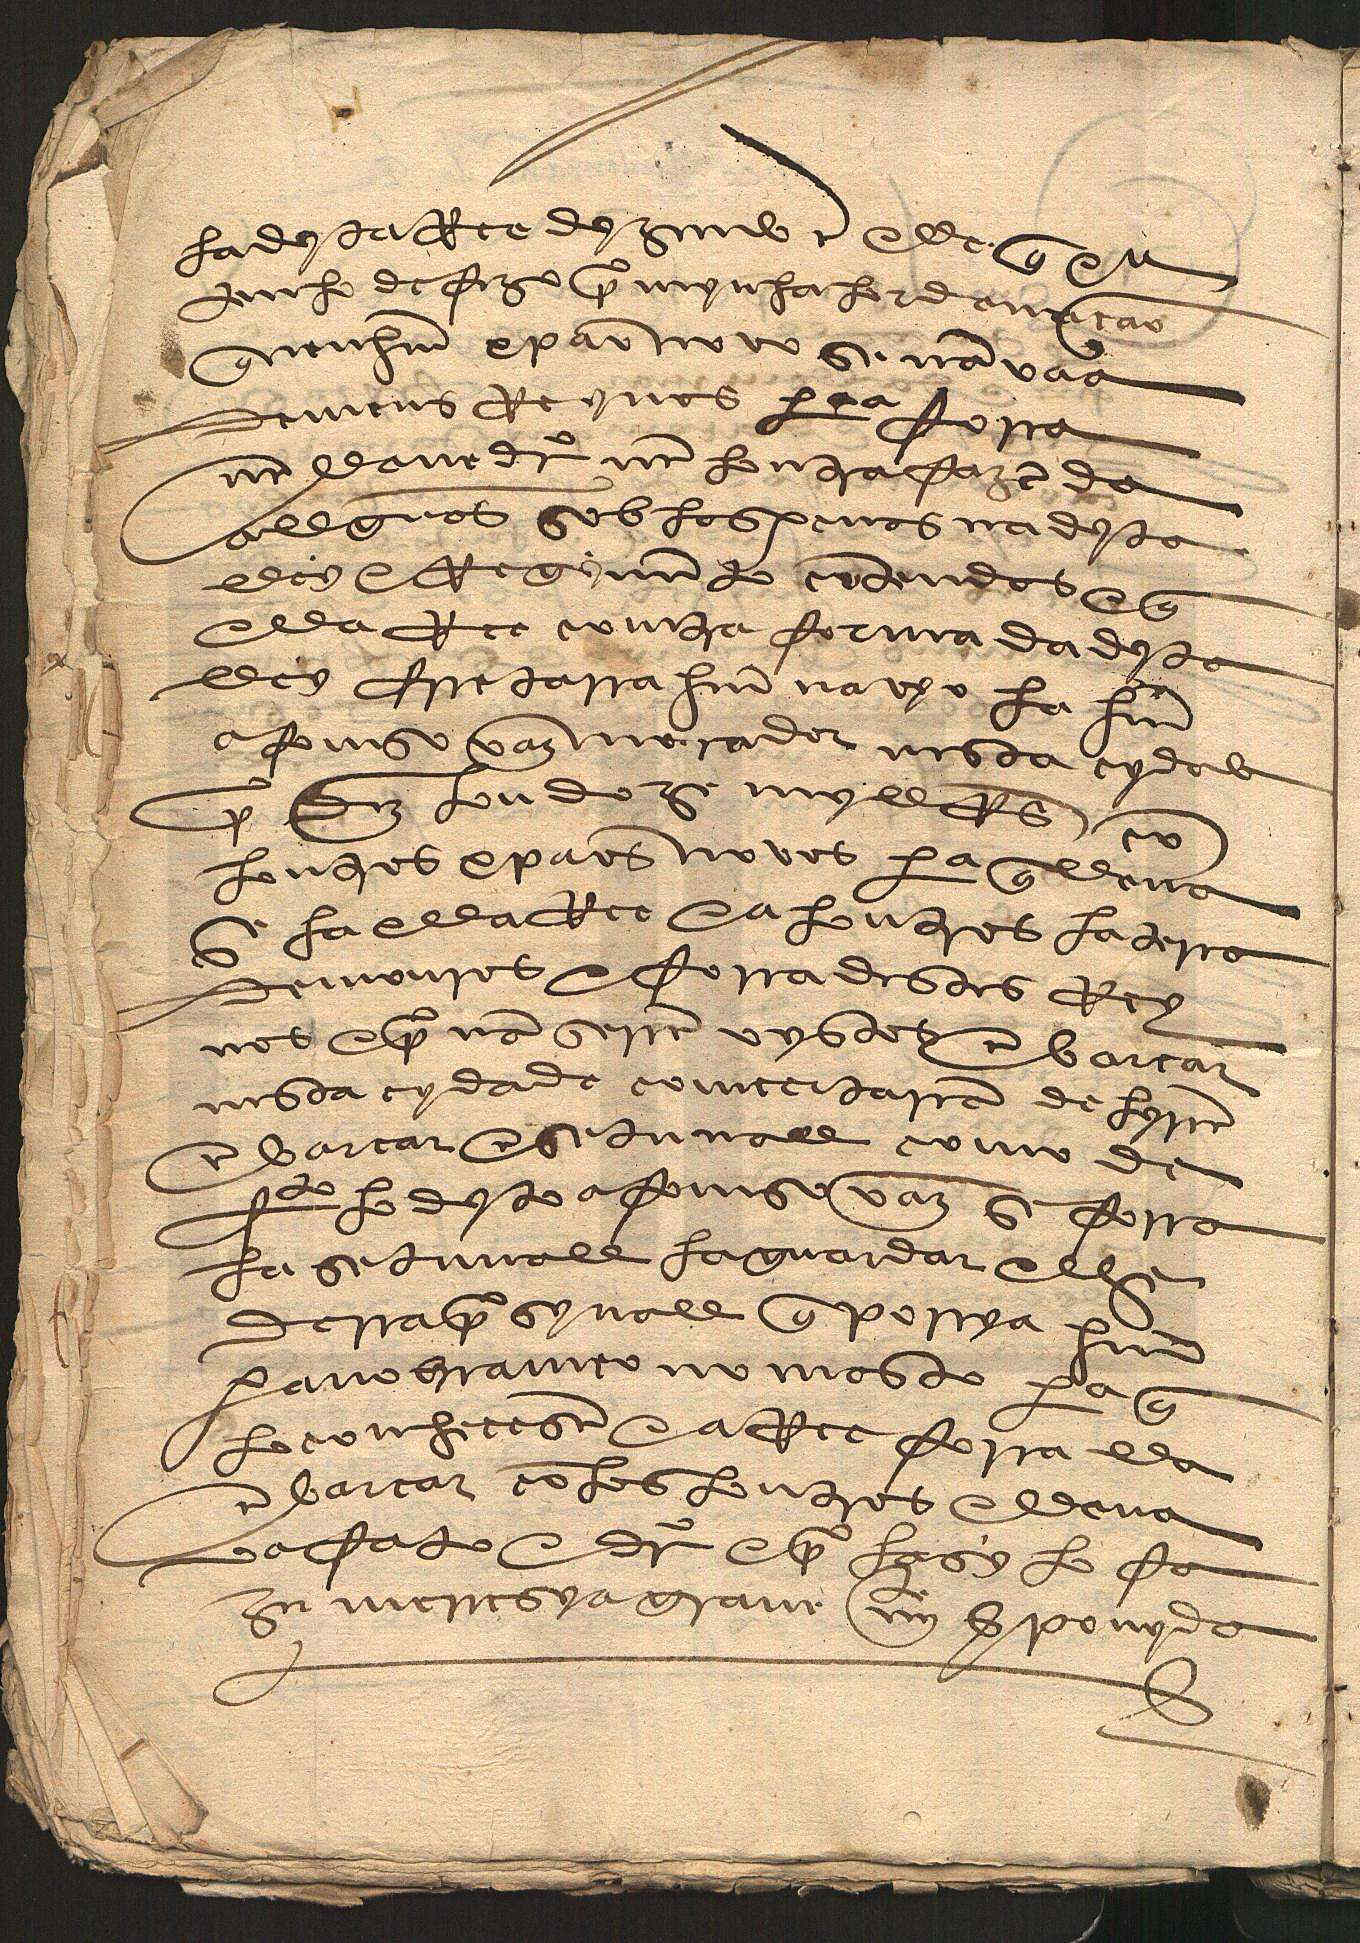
ha dyta Ree dyzendo ē elle q̄ eu
tenho defezo p̄o mynha hordenação
q̄ nenhū xpão novo se nā vaa
de meus Rejnos p̄a forra
nē lleue dro nē houtra fazēda
allgūas sob has penas na dyta
lley e Regymēto c̄oteudas e q̄
ella Ree comtra forma da dyta
lley frretarra hū navyo ha hū
afomso v̄az morador nesta cydade
p̄o dez hou doze myll R̄s c̄o
houtros xpaõs novos ꝑa q̄ lleua
se ha ella Ree e a houtros ha terra
de mouros e forra destes Rey
nos e p̄o nā serrē vystos ēbarcar
nesta cydade comcertarrā de hyrrē
ēbarcar ē setuuall como de
fto ho dyto afomso v̄az se forra
ha setuuall haguardar e lhe
derra p̄o synall q̄ porrya hū
pano brramco no masto ꝑa q̄
ho conhecesē e a Ree forra lla
ēbarcar c̄o hos houtros e lleua
va fato e dro e p̄o hasy fa
zer merresya grauemte ꞩ ponyda
